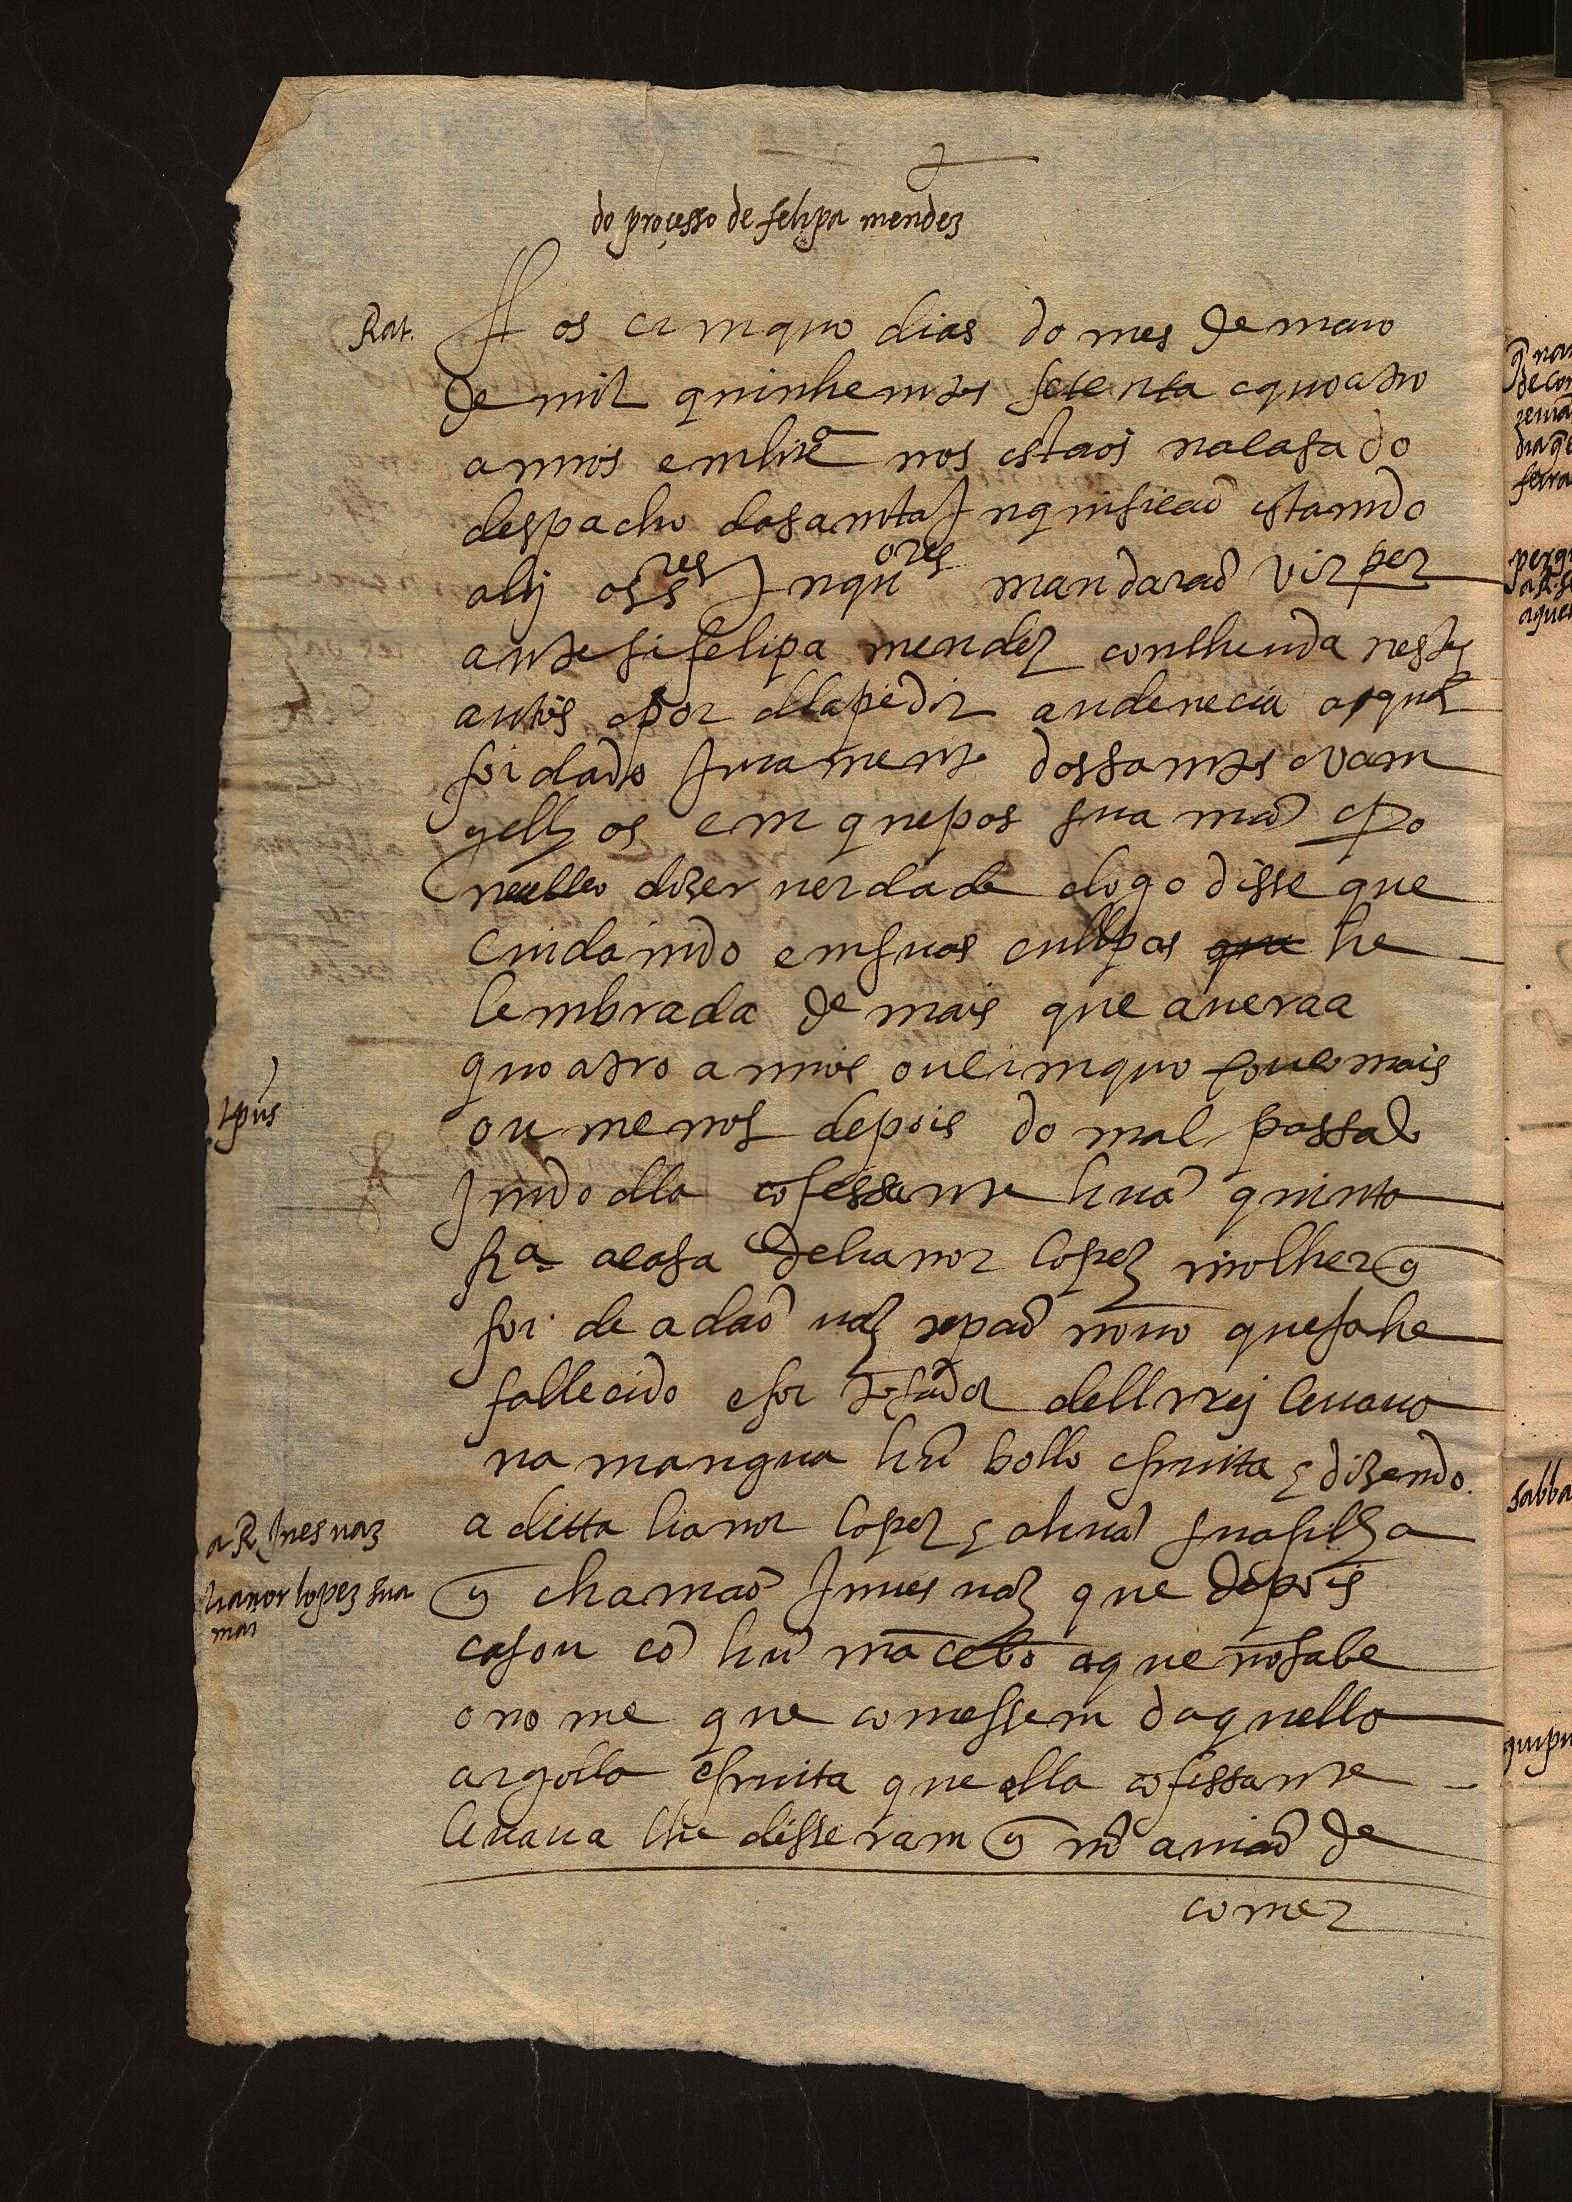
do proçesso de felipa mendez
Aos cimquo dias do mes de maio
de miL quinhemtos setenta e quoatro
annos em lixa nos estaos na casa do
despacho da samta Jnquisicaõ estamdo
ahj os sres Jnquores mandaraõ vir per
ante si felipa mendez contheuda nestes
autos por ella pedir audenecia a quaL
foi dado Juramento dos samtos evam
gelhos em que pos sua maõ e ꝓo
metteo dizer uerdade e logo disse que
cuidamdo em suas cullpas que he
lembrada de mais que aueraa
quoatro annos ou cimquo pouco mais
ou menos depois do mal passado
Jmdo ella co̅fessante hua̅ quinta
fra a casa de lianor lopez molher q̅
foi de adaõ uaz xpaõ nouo que Ja he
fallecido e foi tosador dell rrej leuaua
na mangua hu̅ bollo e fruita E dizendo
a ditta lianor lopez E a hua̅ sua filha
q̅ chamaõ Jnnes uaz que depois
casou co̅ hu̅ ma̅cebo a que no̅ sabe
o nome que comessem daquella
argola e fruita que ella co̅fessante
leuaua lhe disseram q̅ no̅ auiaõ de
comer
